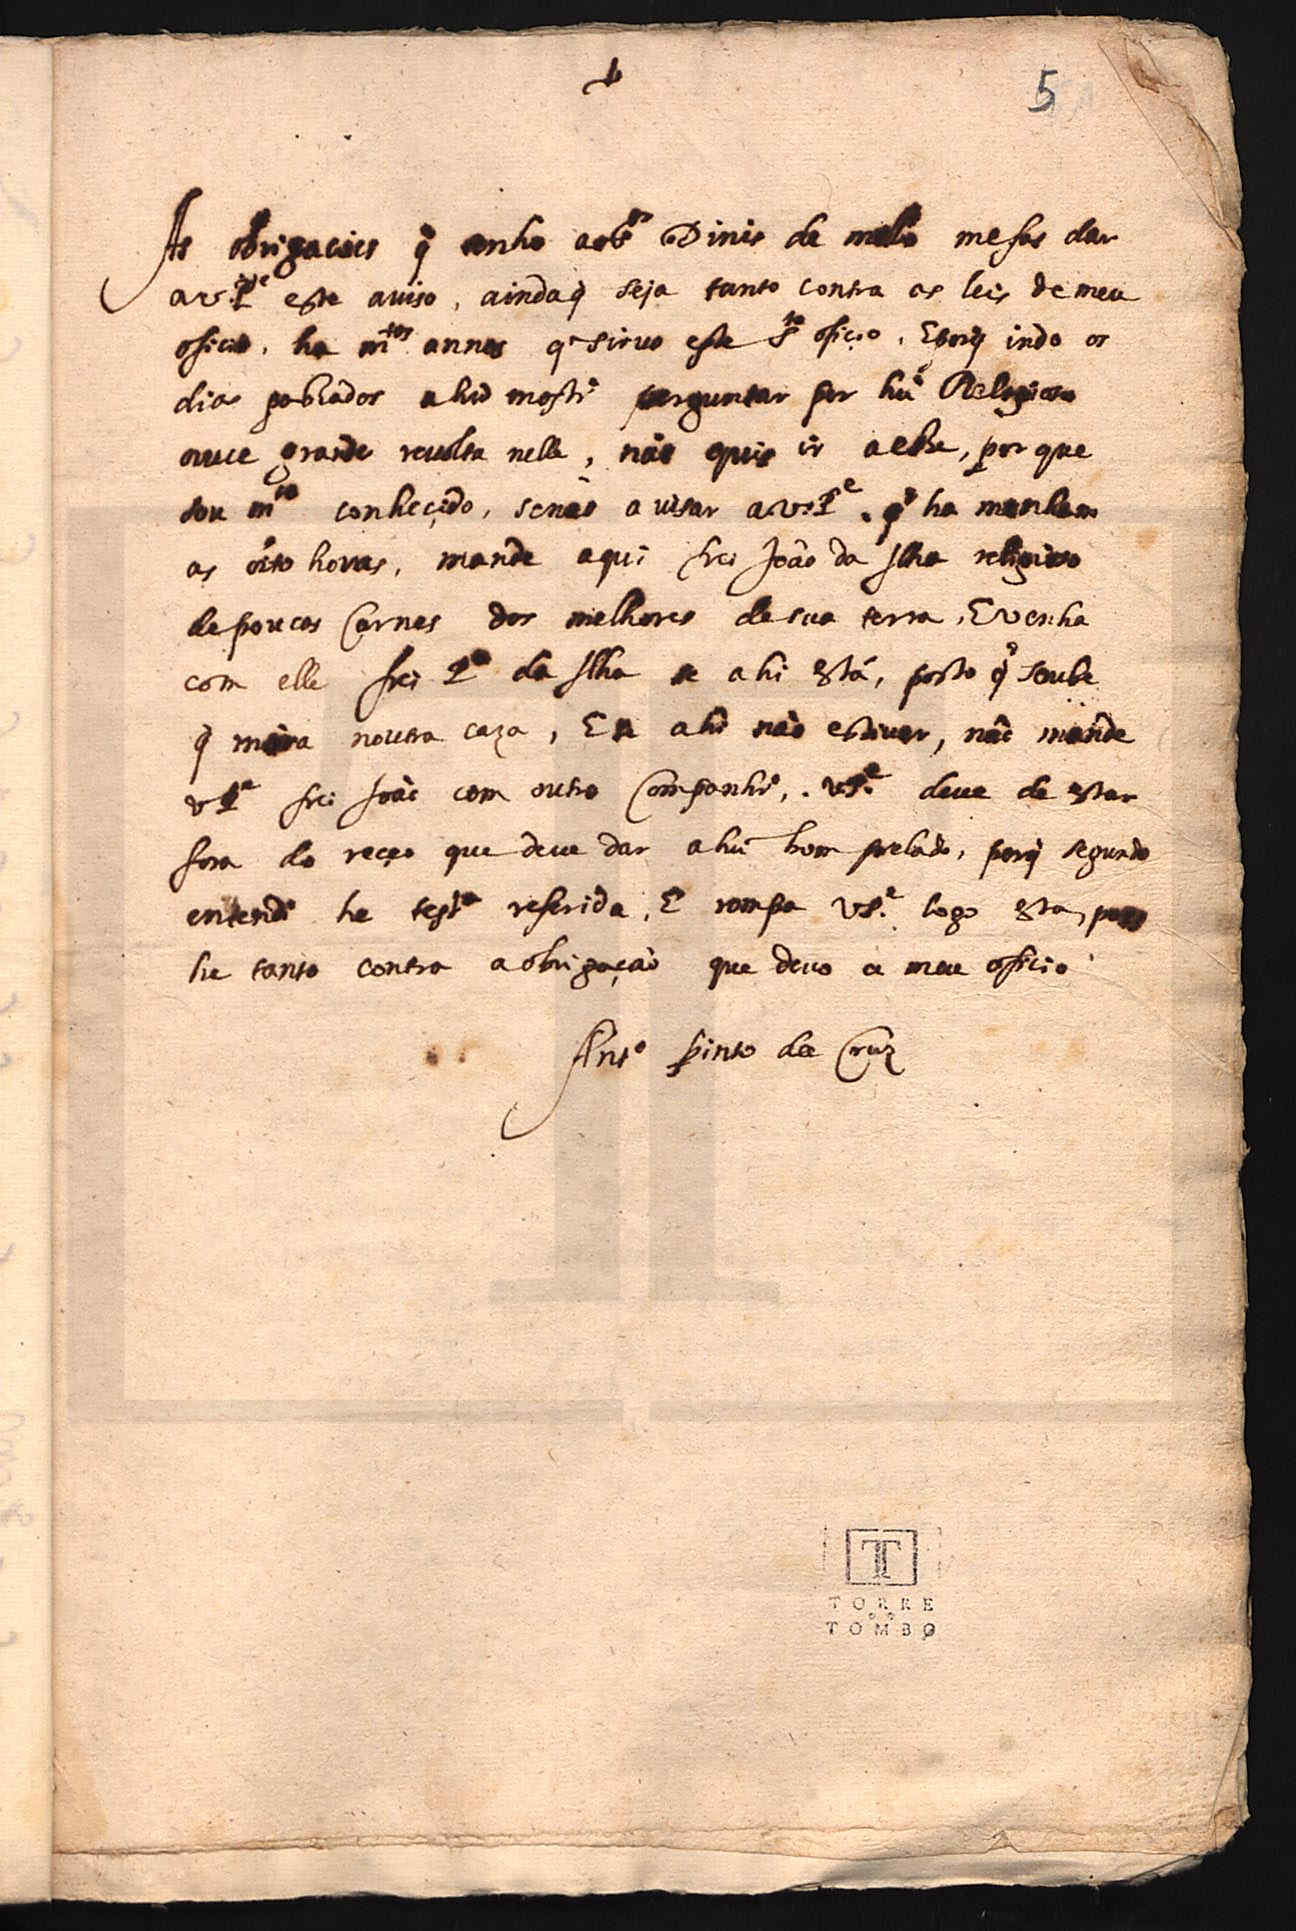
As obrigações q̄ tenho ao sor Dinis de mello me fas dar
a v. Pe este auiso, ainda q̄ seja tanto contra as leis de meu
oficio, ha mtos annos q̄ siruo este sto oficio. E porq̄ indo os
dias passados a hū mostro perguntar por hū Religioso
ouue grande reuolta nelle, não quis ir a esse, porque
sou mto conhecido, senão auisar a v. Pe q̄ hamanham
as oito horas, mande aqui frei João da Jlha religioso
de poucas Carnes dos melhores de sua terra, E venha
com elle frei Po da Jlha se ahi está, posto q̄ soube
q̄ mora noutra caza, E se ahi naõ estiuer, naõ mande
v Pe frei João com outro Companhro, v P.e deue de estar
fora do receo que deue dar a hū bom prelado, porq̄ segundo
entendi he testa referida, E rompa v P.e logo esta, pois
he tanto contra a obrigaçaõ que deuo a meu oficio
Anto pinto da Cruz
